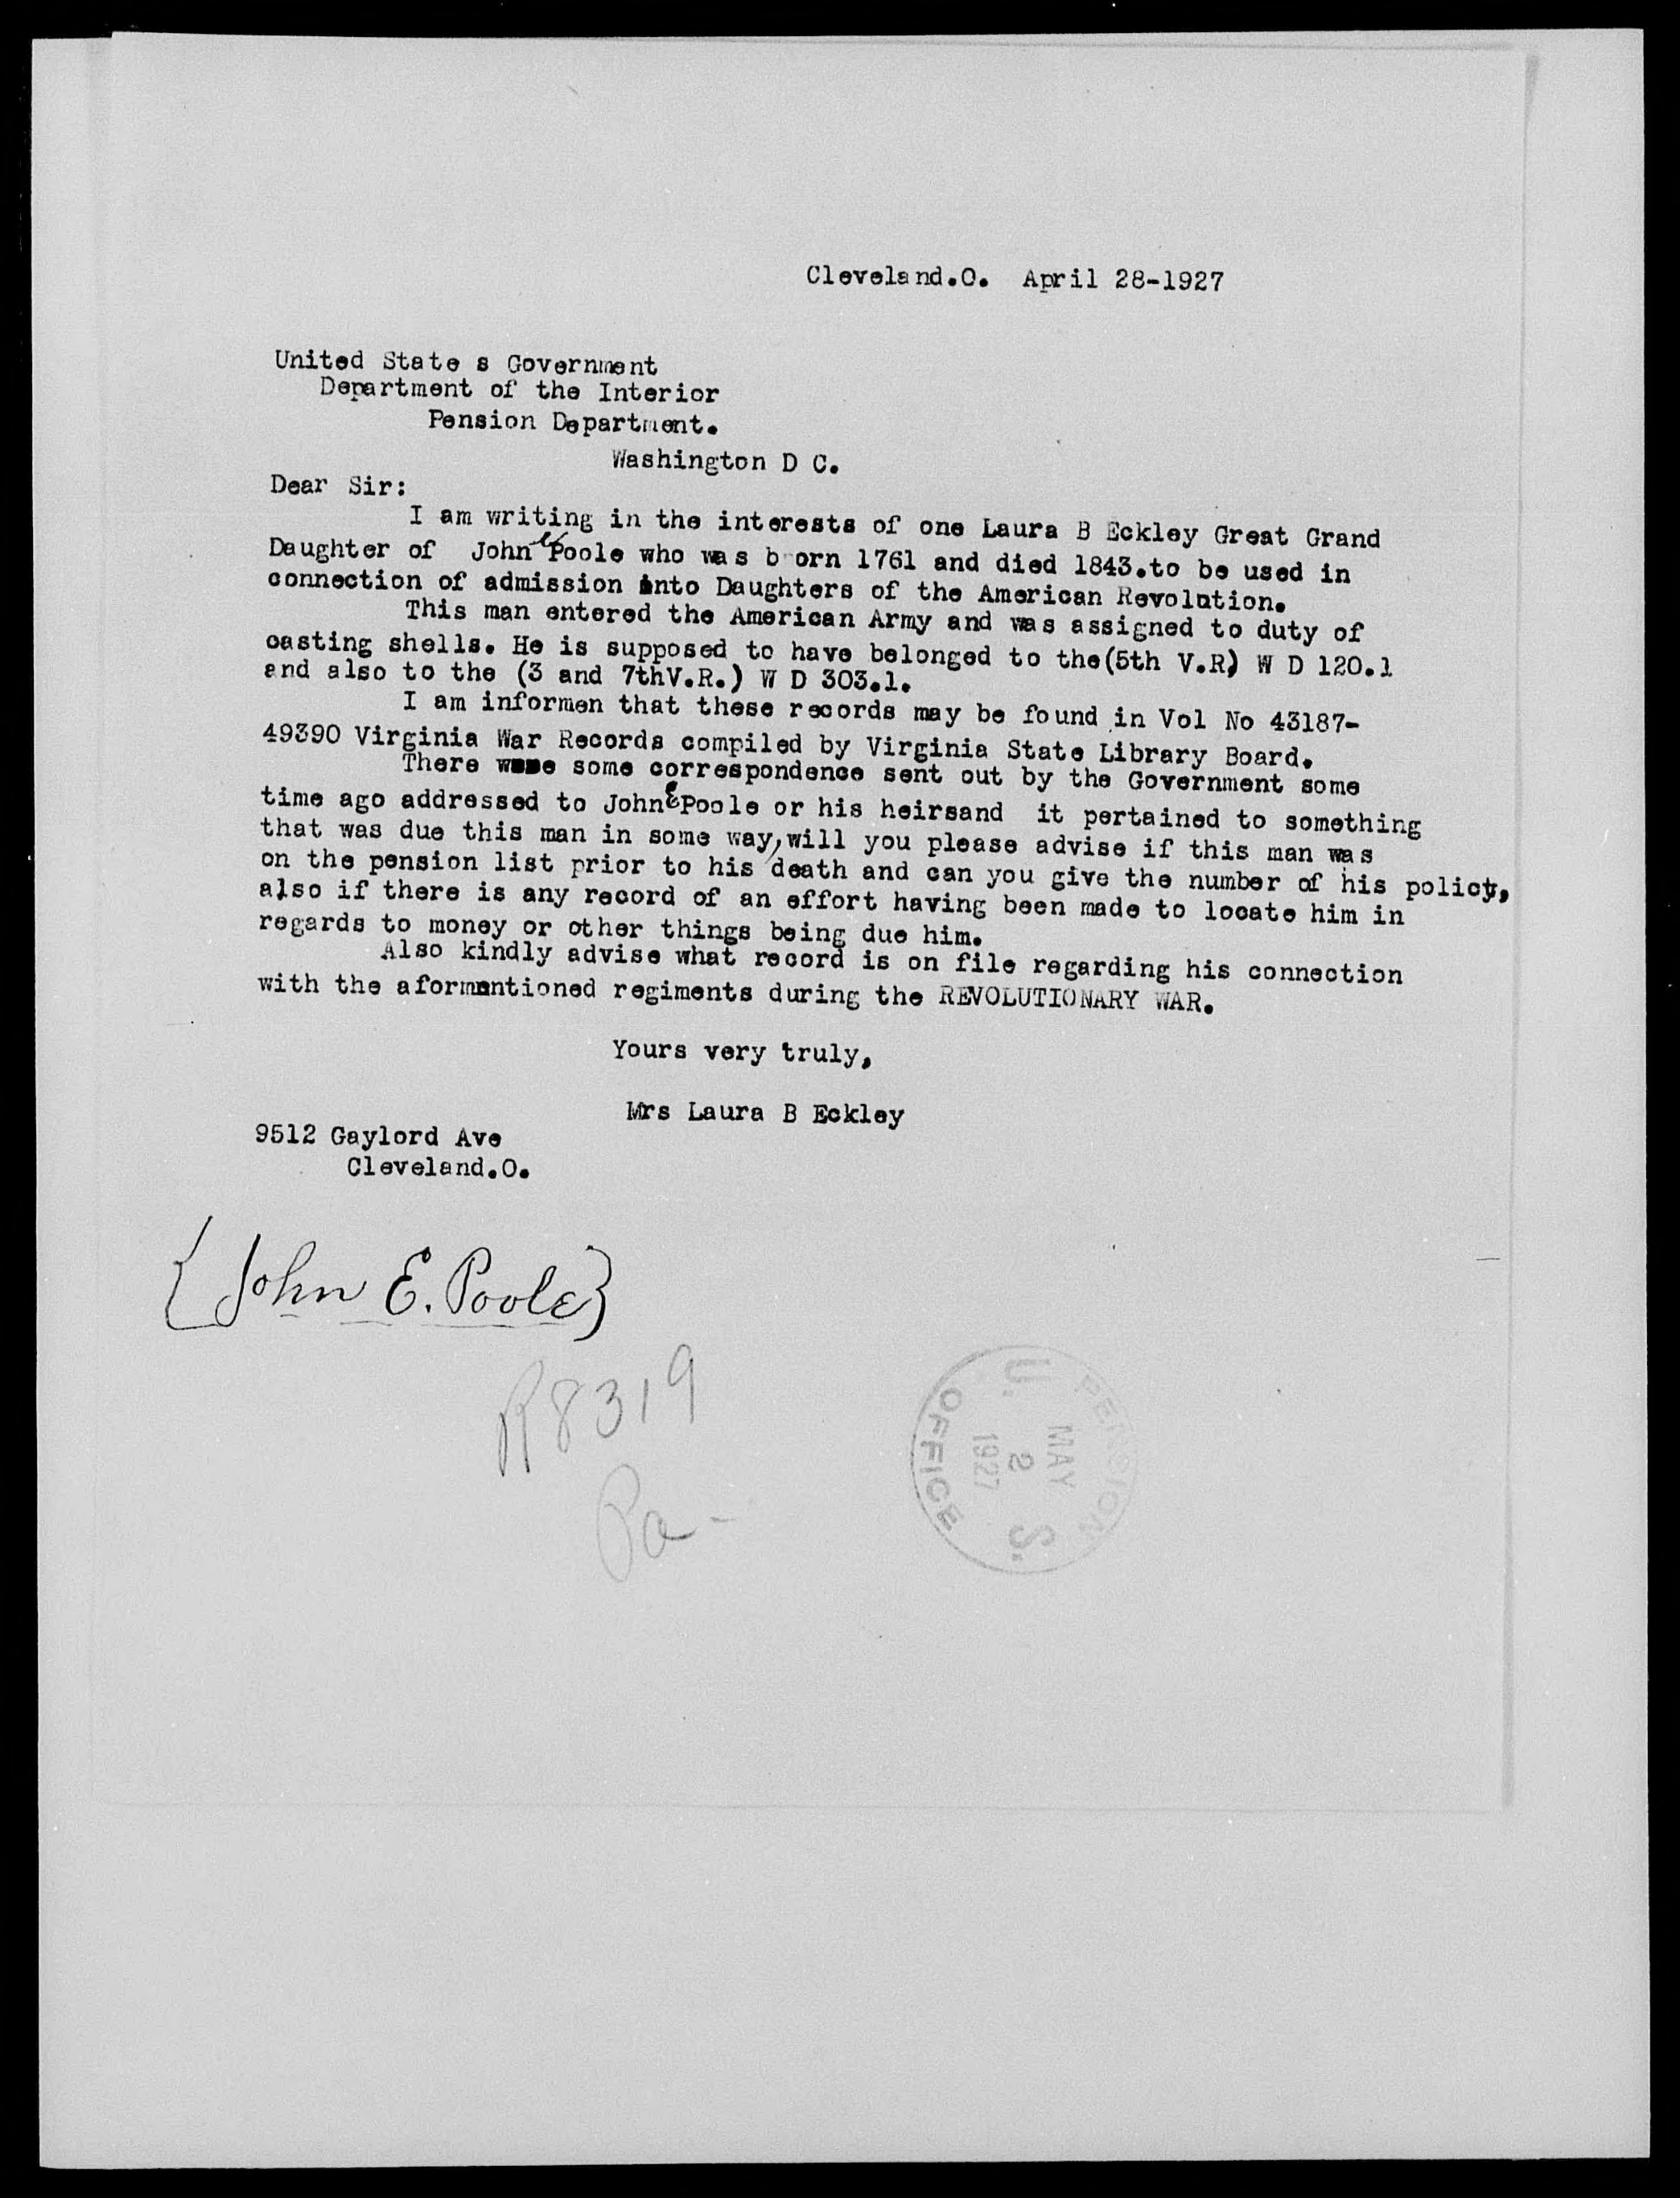Cleveland O. 
April 28-1927

United States Government
Department of the Interior
Pension Department
Washington D.C.

Dear Sir:
I am writing in the interests of one Laura B. Eckley Great Granddaughter of John Poole who was born 1761 and died 1843 to be used in connection of admission into Daughters of the American Revolution.

This man entered the American Army and was assigned to duty of casting shells.  He is supposed to have belonged to the (5th V.R.) W D 120.1 and also to the (3 and 7th V.R.) W D 303.1.

I am informed that these records may be found in Vol No 43187-49390 Virginia War Records compiled by Virginia State Library Board.

There was some correspondence sent out by the Government some time ago addressed to John E. Poole or his heirs and it pertained to something that was due this man in some way.  Will you please advise if this man was on the pension list prior to his death and can you give the number of his policy. Also if there is any record of an effort having been made to locate him in regards to money or other things being due him.

Also kindly advise what record is on file regarding his connection with the aforementioned regiments during the Revolutionary War.

Yours very truly,
Mrs. Laura B. Eckley

9512 Gaylord Ave.
Cleveland O.

{John E. Poole}
R8319
Pa
Seal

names: John E Poole; Laura B Eckley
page: 13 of 22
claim: rejected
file: R. 8,319, for John Engle Pool, Pennsylvania